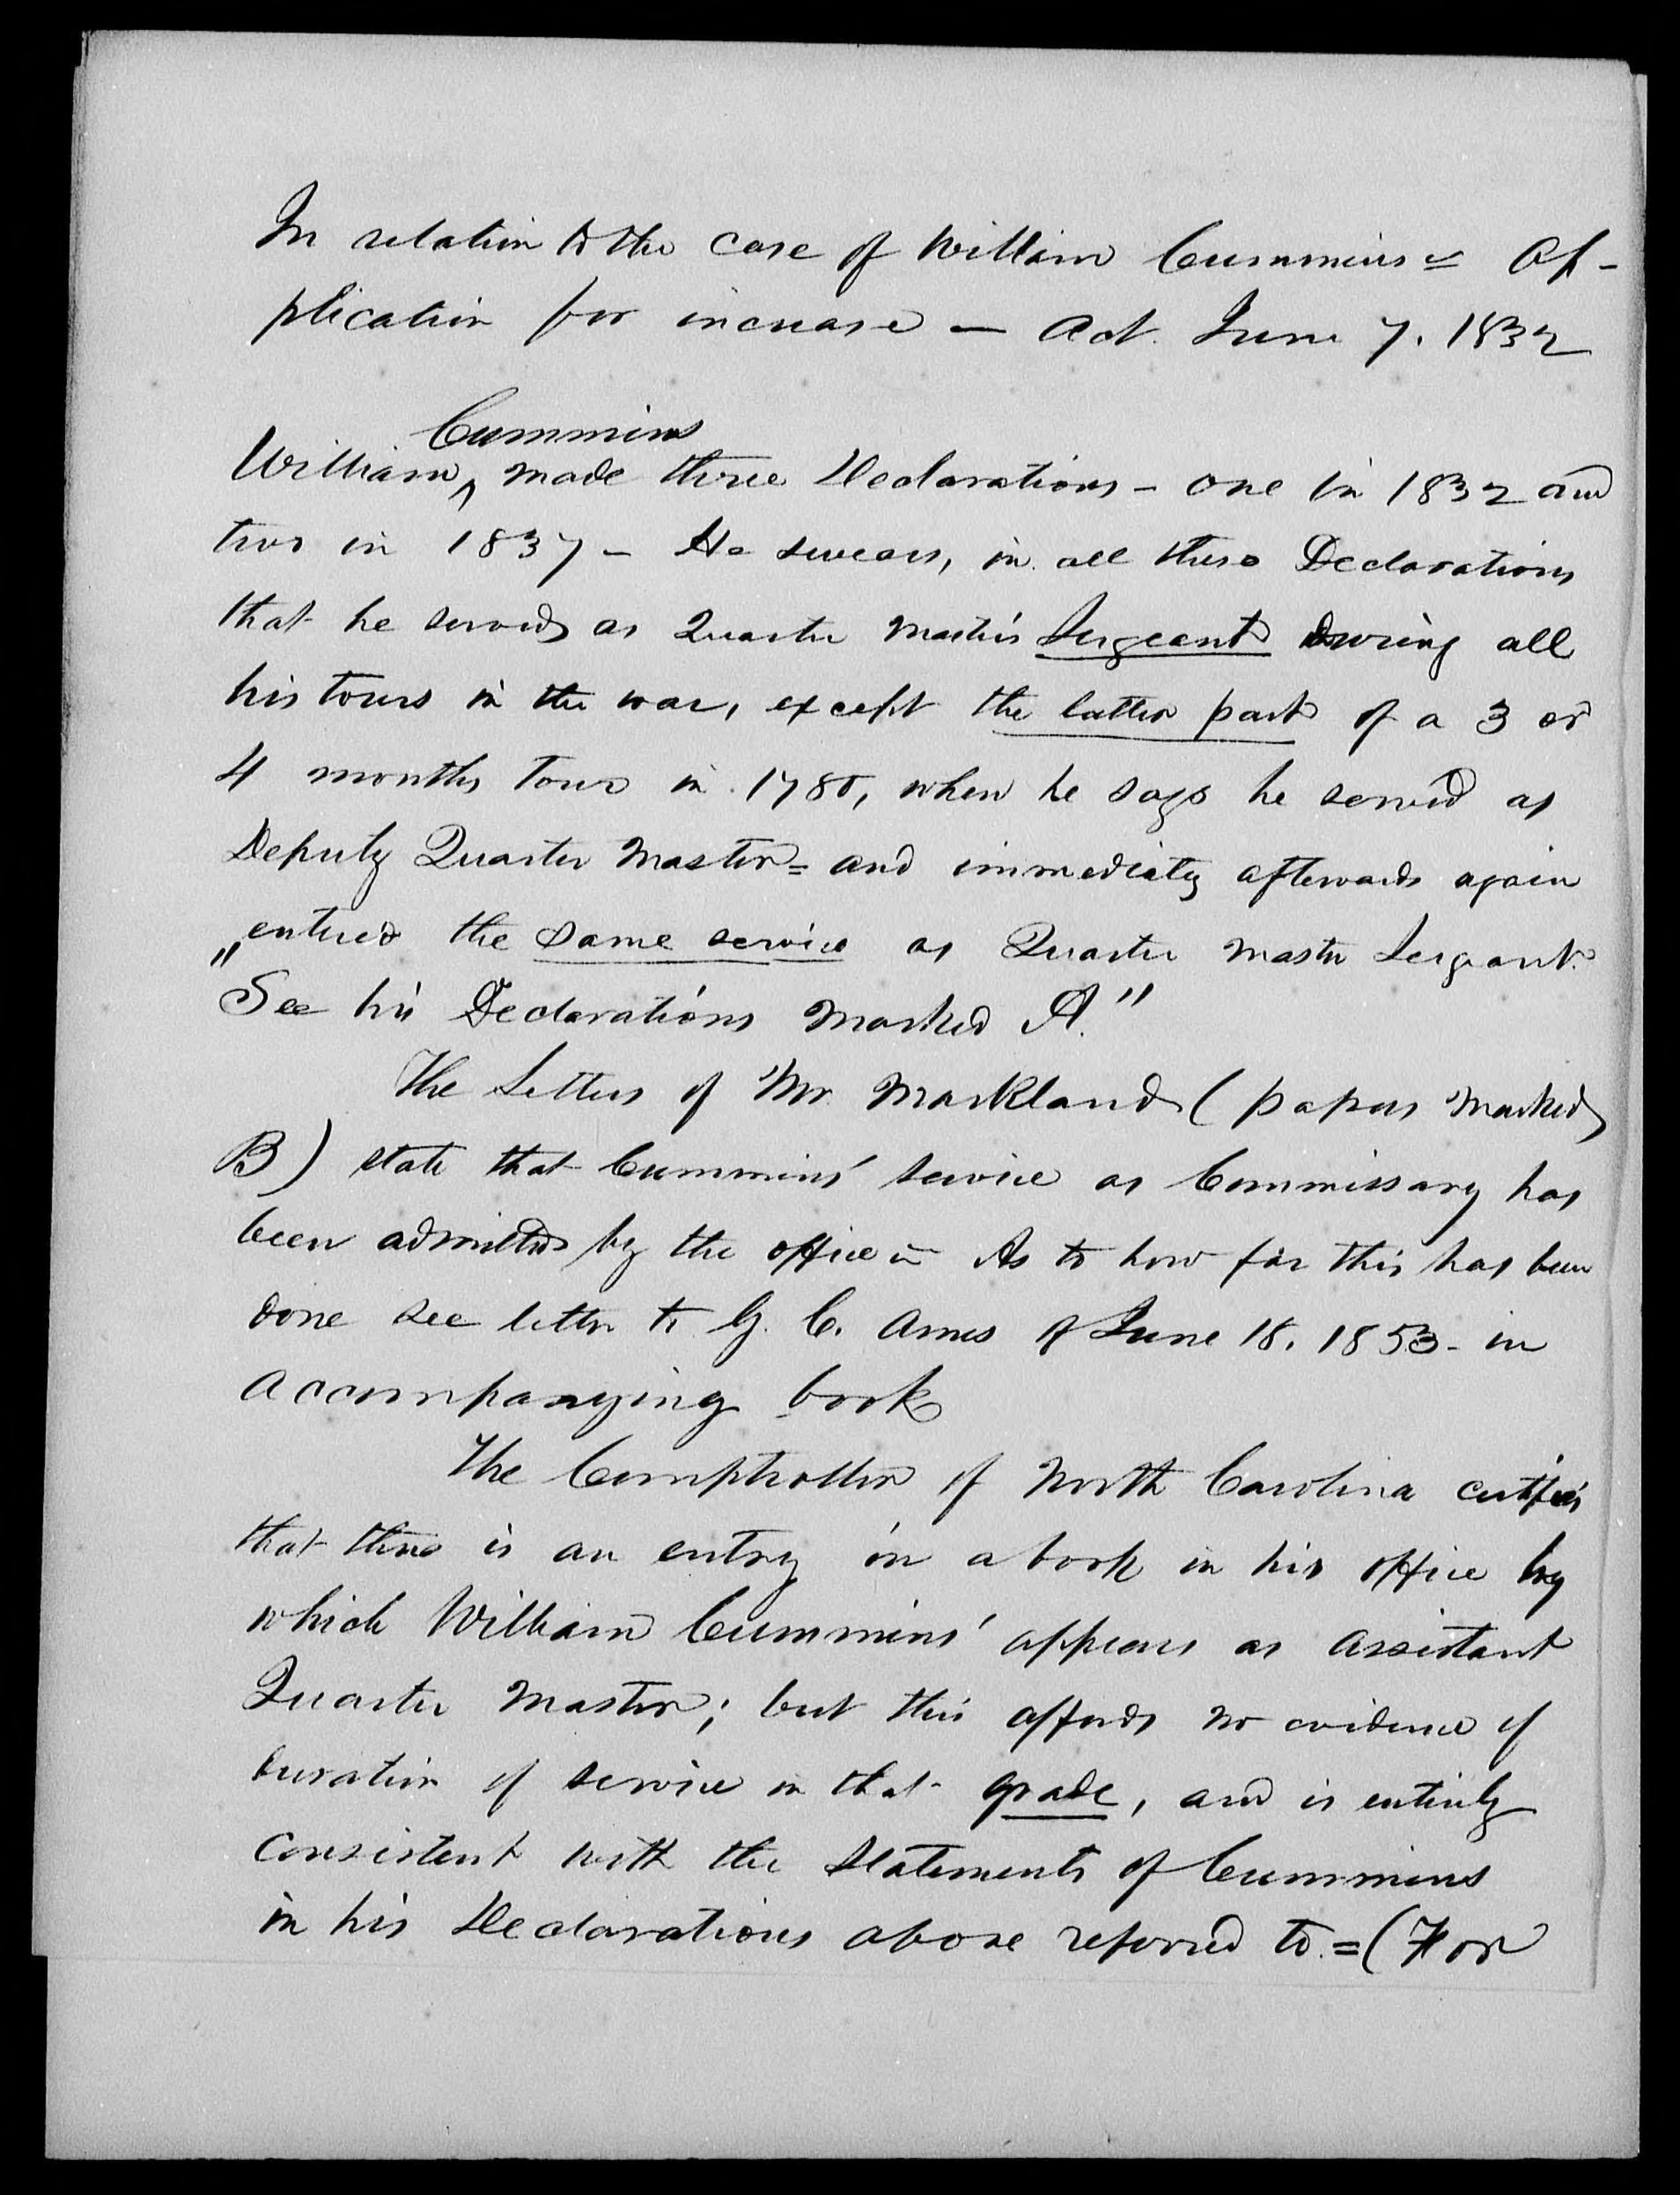[First page of handwritten compilation about the case of William Cummins]

In relation to the case of William Cummins = Application for increase - Act June 7, 1832

William ^Cummins made three Declarations - one in 1832 and two in 1837 - He swears, in all these Declarations that he served as Quarter Master's [here the following word is underlined] Sergeant [here the following word was overwritten, but appears to read as:] during all his tours in the war, except [here the next three words are underlined] the latter part of a 3 or 4 months tour in 1780, when he says he served as Deputy Quarter Master = and immediately afterwards again entered the [here the following two words are underlined] Same service as Quarter Master Sergeant.  "See his Declarations Marked A."

The Letters of Mr. Markland (papers Marked B) state that Cummin's Service as Commissary has been admitted by the office = As to how far this has been done see letter to G. C. Ames of June 18, 1853- in Accompanying book

The Comptroller of North Carolina certifies that there is an entry in a book in his office by which William Cummins' appears as Assistant Quarter Master; but this affords no evidence of duration of Service in that [here the following word is underlined] grade, and is entirely Consistent with the Statement of Cummins in his Declarations above referred to. = (For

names: William Cummins, Markland, William Cummins, Cummins, Cummins, William Cummins, G C Ames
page: 78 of 145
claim: survivor's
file: S. 8265, William Cumming, N.C.